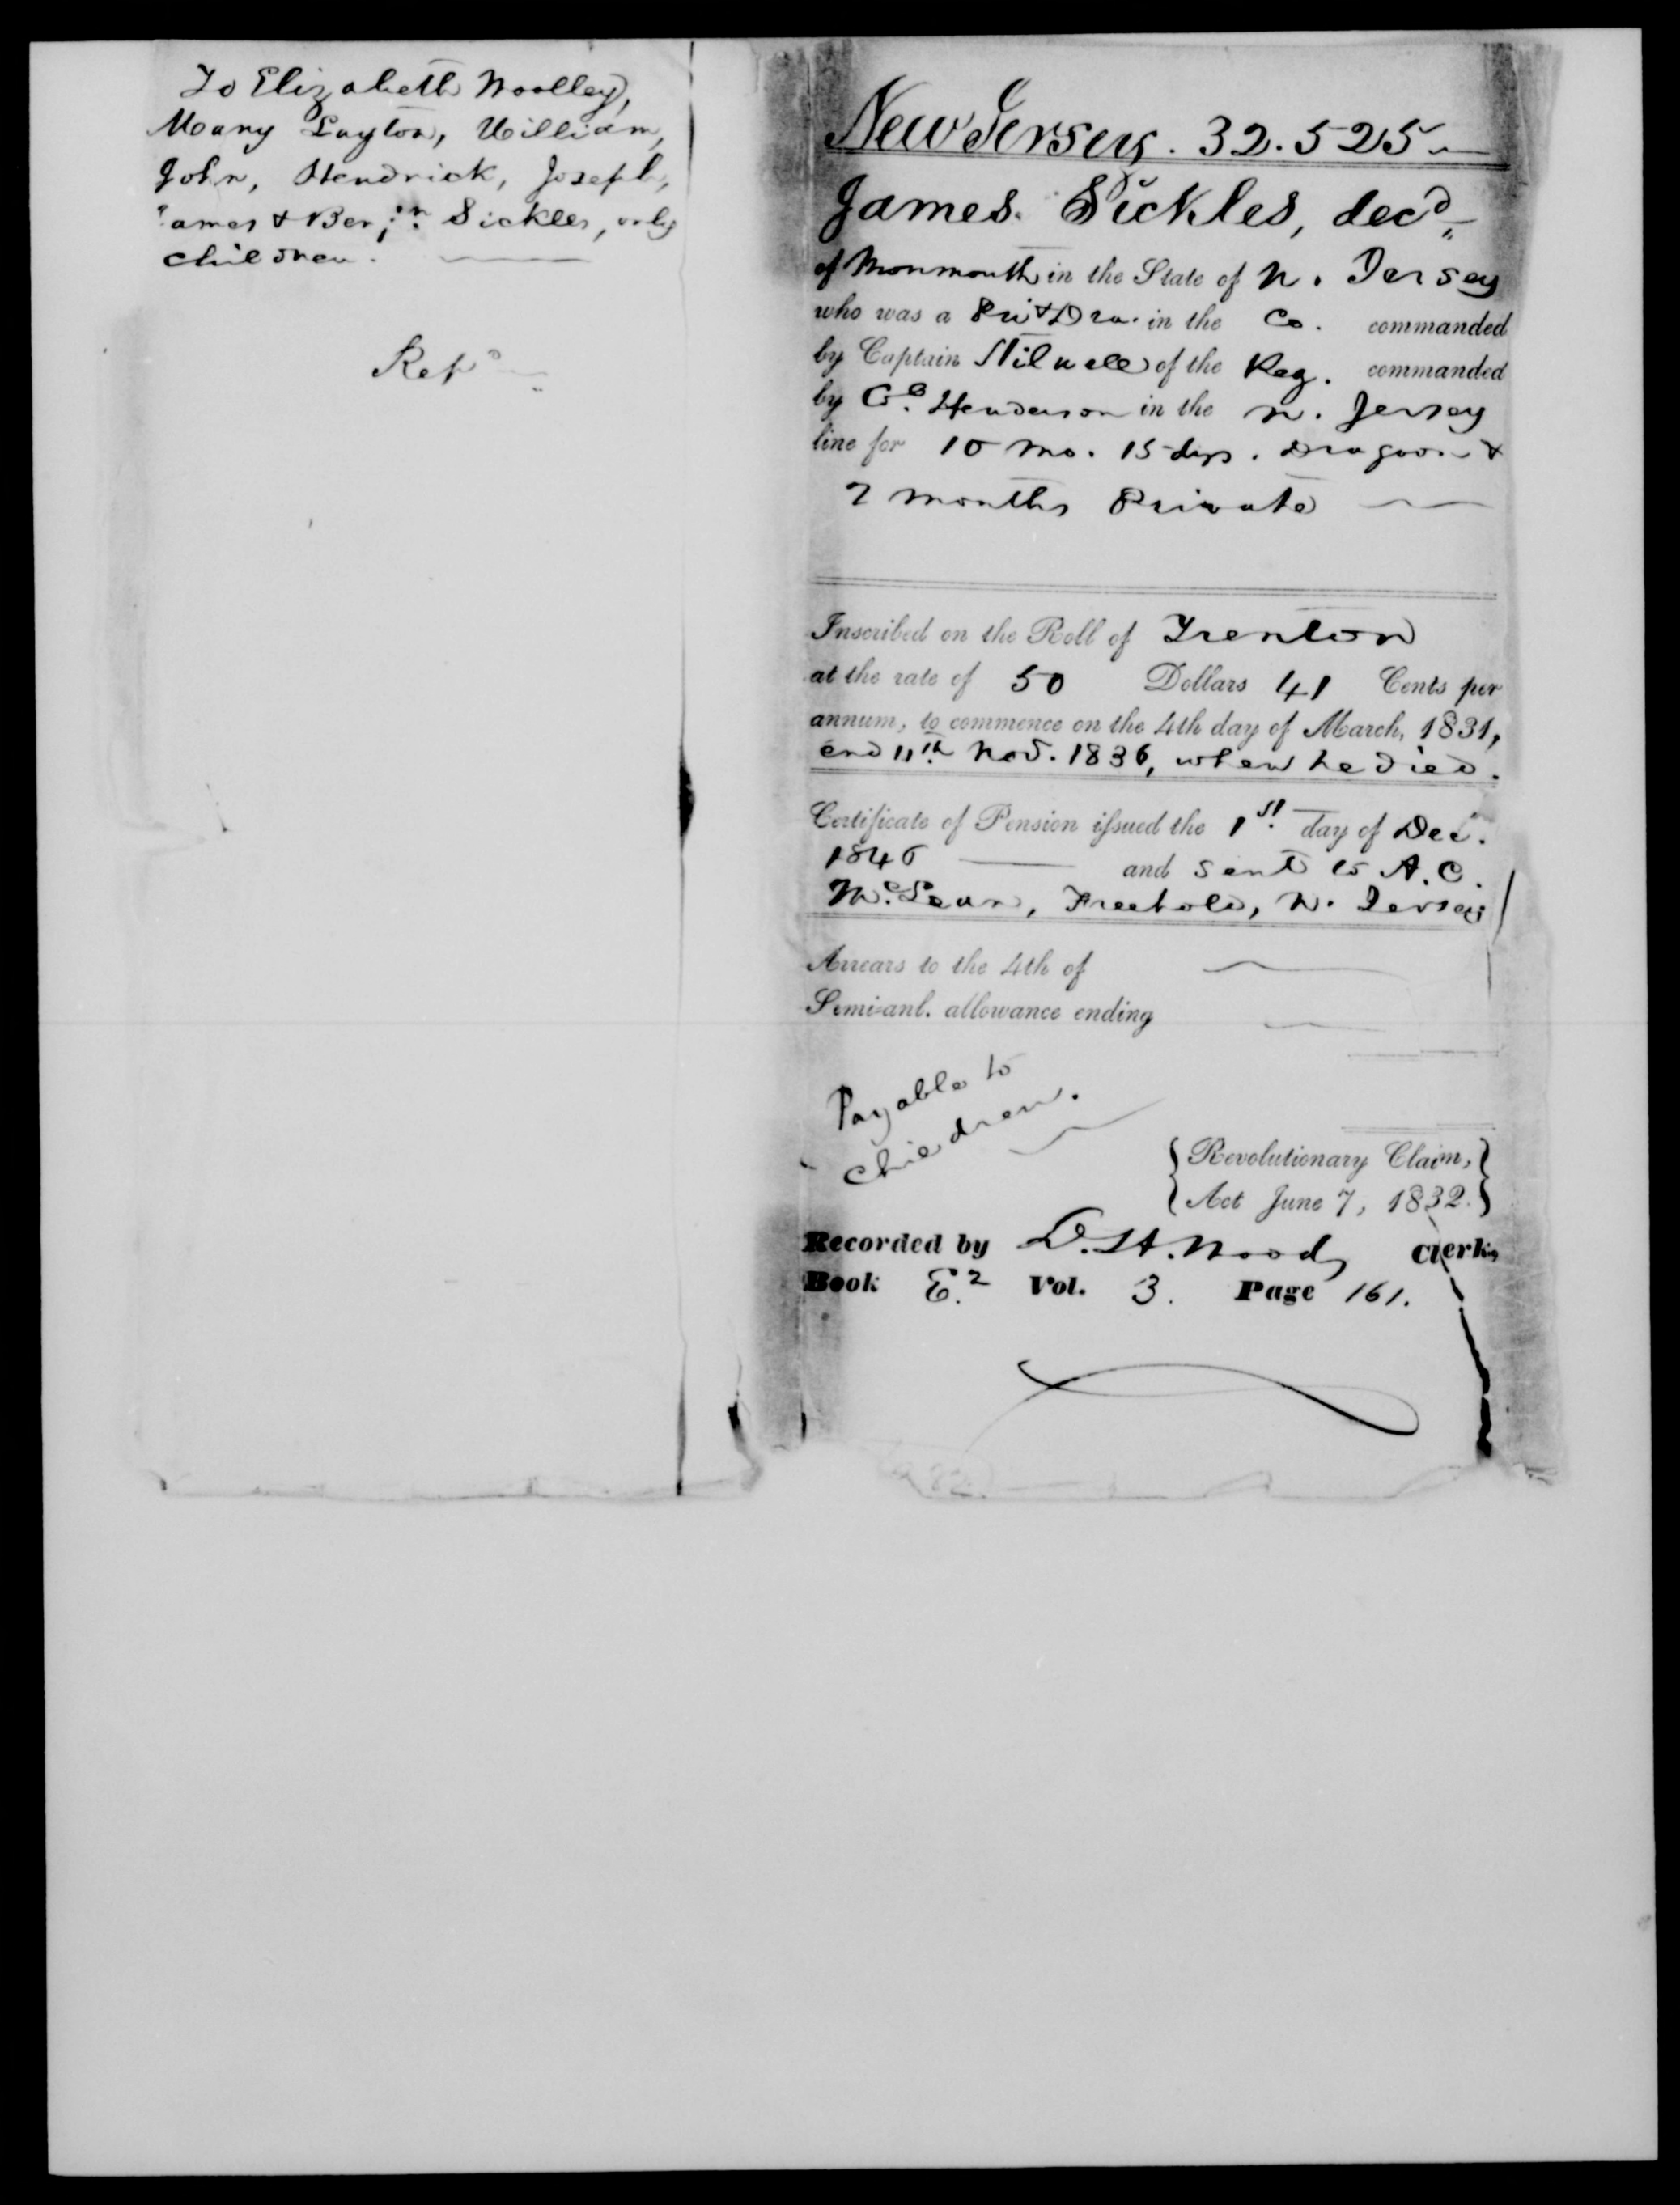To Elizabeth Woolley,
Mary Layton, William,
John, Hendrick, Joseph,
James & Benjn Sickles, only
children
Revn

New Jersey. 32.525
James Sickles, decd
of Monmouth in the State of N. Jersey
who was a Pri & Dra. in the Co. commanded
by Captain Stilwell of the Reg. commanded
by Col. Henderson in the N. Jersey
line for 10 mo. 15 days. Dragoon &
2 months Private
Inscribed on the Roll of Trenton
at the rate of 50 Dollars 41 Cents per
annum, to commence on the 4th day of March, 1831, end 11th Nov. 1836, when he died.
Certificate of Pension issued the 1st day of Decr.
1846 - and Sent to A. C. McLean, Freehold, N. Jersey
Arrears to the 4th of ---
Semi=anl. allowance ending ---
Payable to children.
{Revolutionary Claim,]
{Act June 7, 1832.}
Recorded by D. H. Wood Clerk,
Book E2. Vol. 3. Page 161.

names: James Sickles; Mary Layton; D H Woods; Joseph Sickles; Elizabeth Woolley; John Sickles; Hendrick Sickles; [BLANK] Stilwell; A C Mc Lean; James Sickles; Benjn Sickles; William Sickles; [BLANK] Henderson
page: 2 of 33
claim: survivor's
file: S. 4,841, for James Sickles, New Jersey